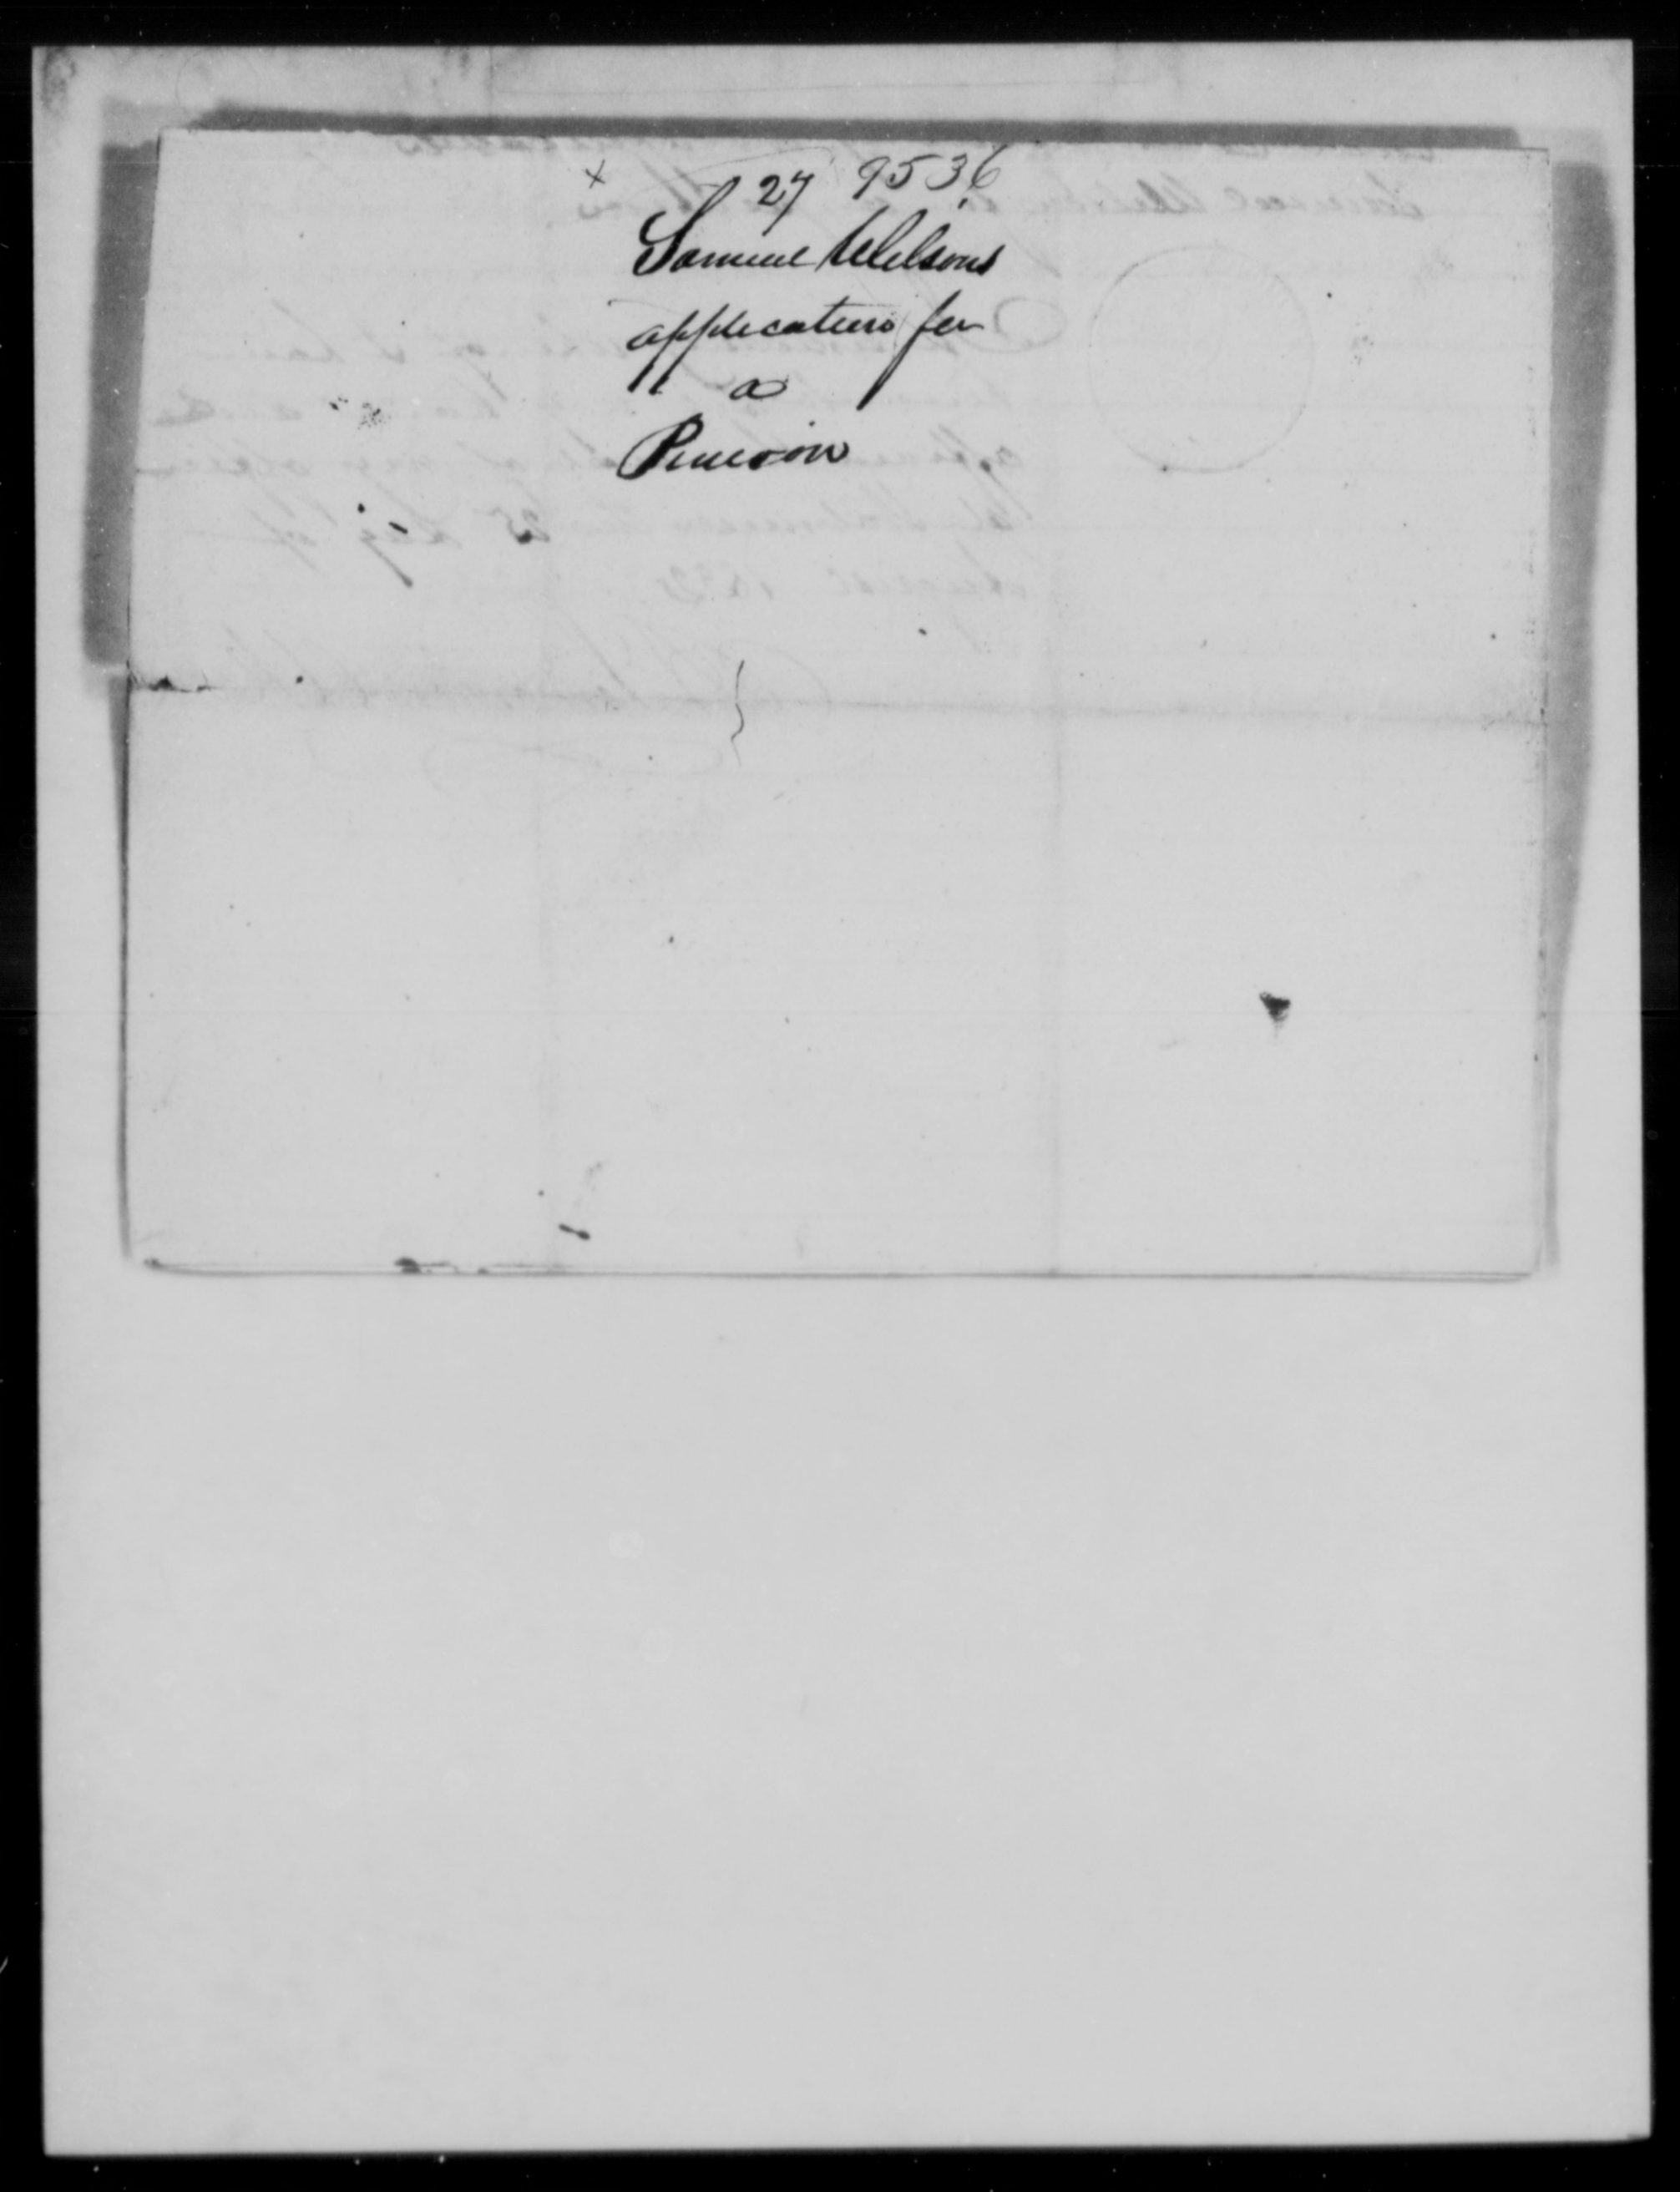27 9536
Samuel Wilson
applications for a Pension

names: Samuel Wilson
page: 6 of 13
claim: survivor's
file: S. 7944, Samuel Wilson, N.C.